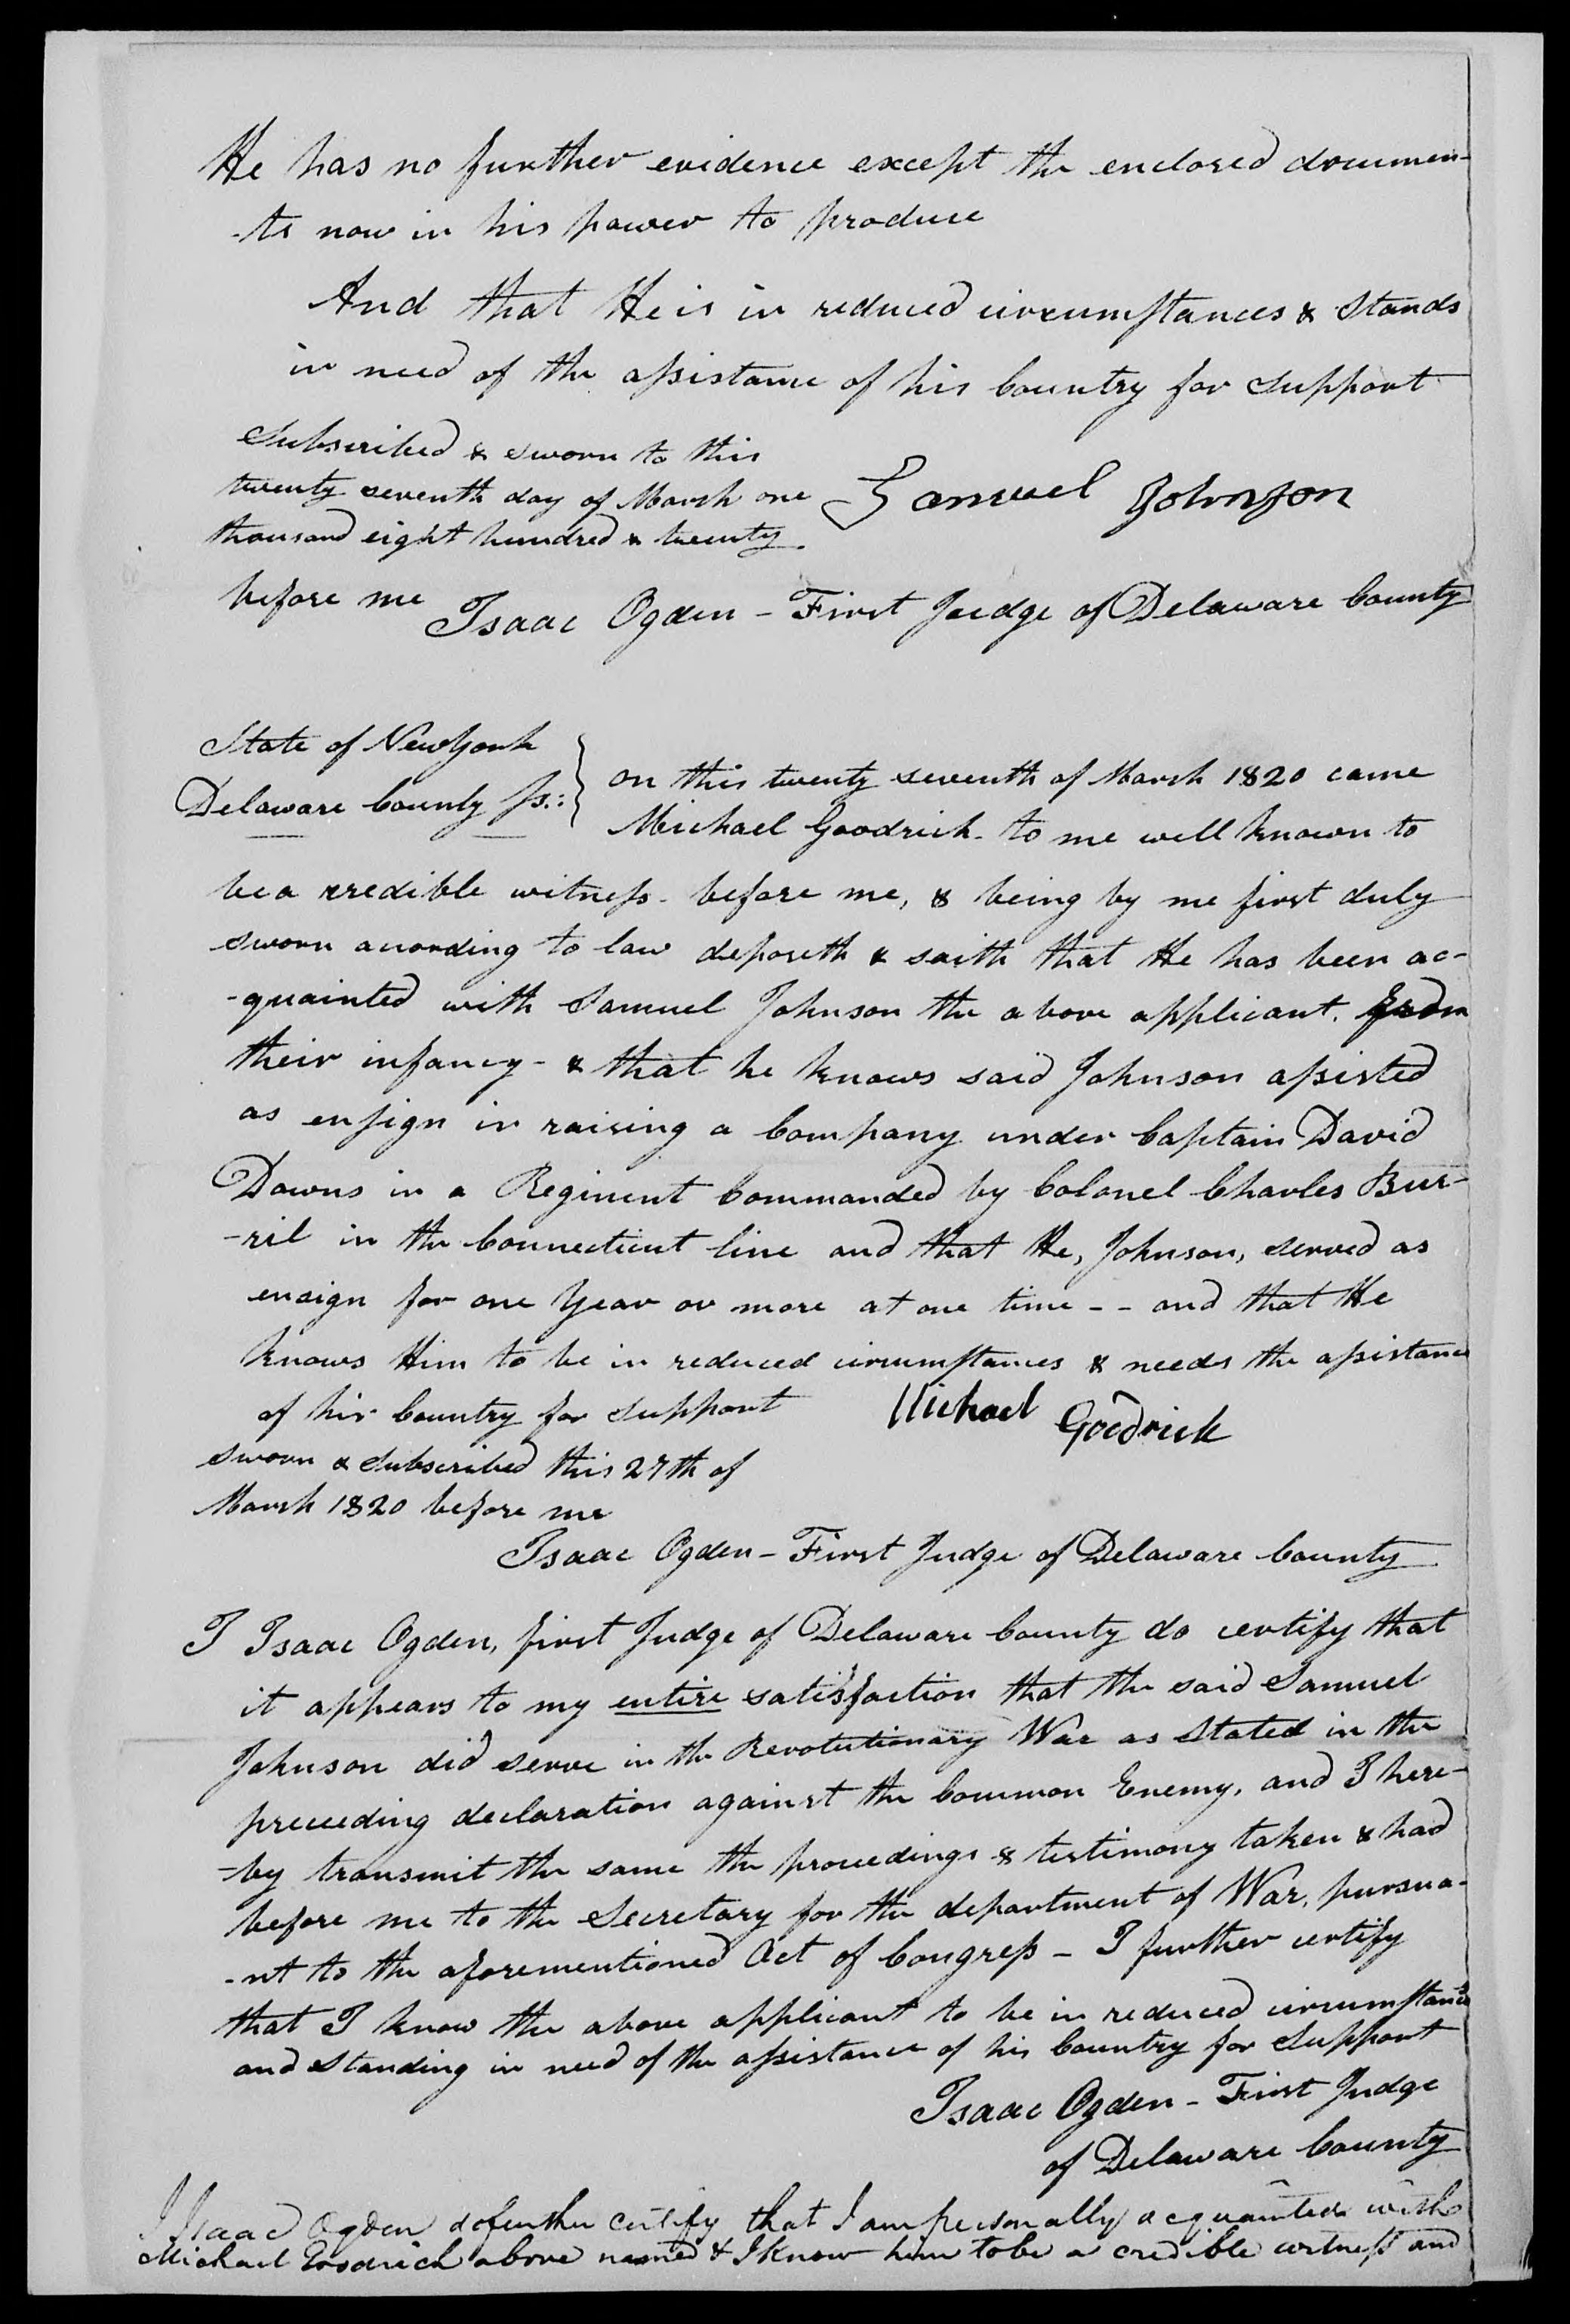He has no further evidence except the enclosed documents now in his power to produce.   
And that he is in reduced circumstances & stands in need of the assistance of his Country for support.  
Samuel Johnson
Subscribed & sworn to this twenty seventh day of March one thousand eight hundred twenty before me 
Isaac Ogden First Judge of Delaware County 
State of New York 
Delaware County ss.} 
on this twenty seventh of March 1820 came Michael Goodrich to me well known to be a credible witness before me, & being by me first duly sworn according to law deposeth & saith that he has been acquainted with Samuel Johnson the above applicant from their infancy & that he knows said Johnson assisted as ensign in raising a company under Captain David Downs in a Regiment commanded by Colonel Charles Burril in the Connecticut line and that he, Johnson, served as ensign for one year or more at one time - and that he knows him to be in reduced circumstances & needs the assistance of his Country for support   
Michael Goodrich 
Sworn & subscribed this 27th of  March 1820 before me 
Isaac Ogden First Judge of Delaware County 
I Isaac Ogden, first Judge of Delaware County do certify that it appears to my entire satisfaction that the said Samuel Johnson did serve in the Revolutionary War as stated in the preceeding declaration against the Common Enemy, and here by transmit the same the proceedings & testimony taken & had before me to the Secretary for the department of War, pursuant to the aforementioned Act of Congress.  I further certify that I know the above applicant to be in reduced circumstances and standing in need of the assistance of his country for support.  
Isaac Ogden First Judge of Delaware County 
I Isaac Ogden do further certify that I am personally acquainted with Michael Goodrich above named & I know him to be a credible witness and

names: Samuel Johnson; David Downs; Isaac Ogden; Michael Goodrich; Charles Burril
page: 36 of 43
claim: rejected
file: R. 5655, for Samuel Johnson, Connecticut